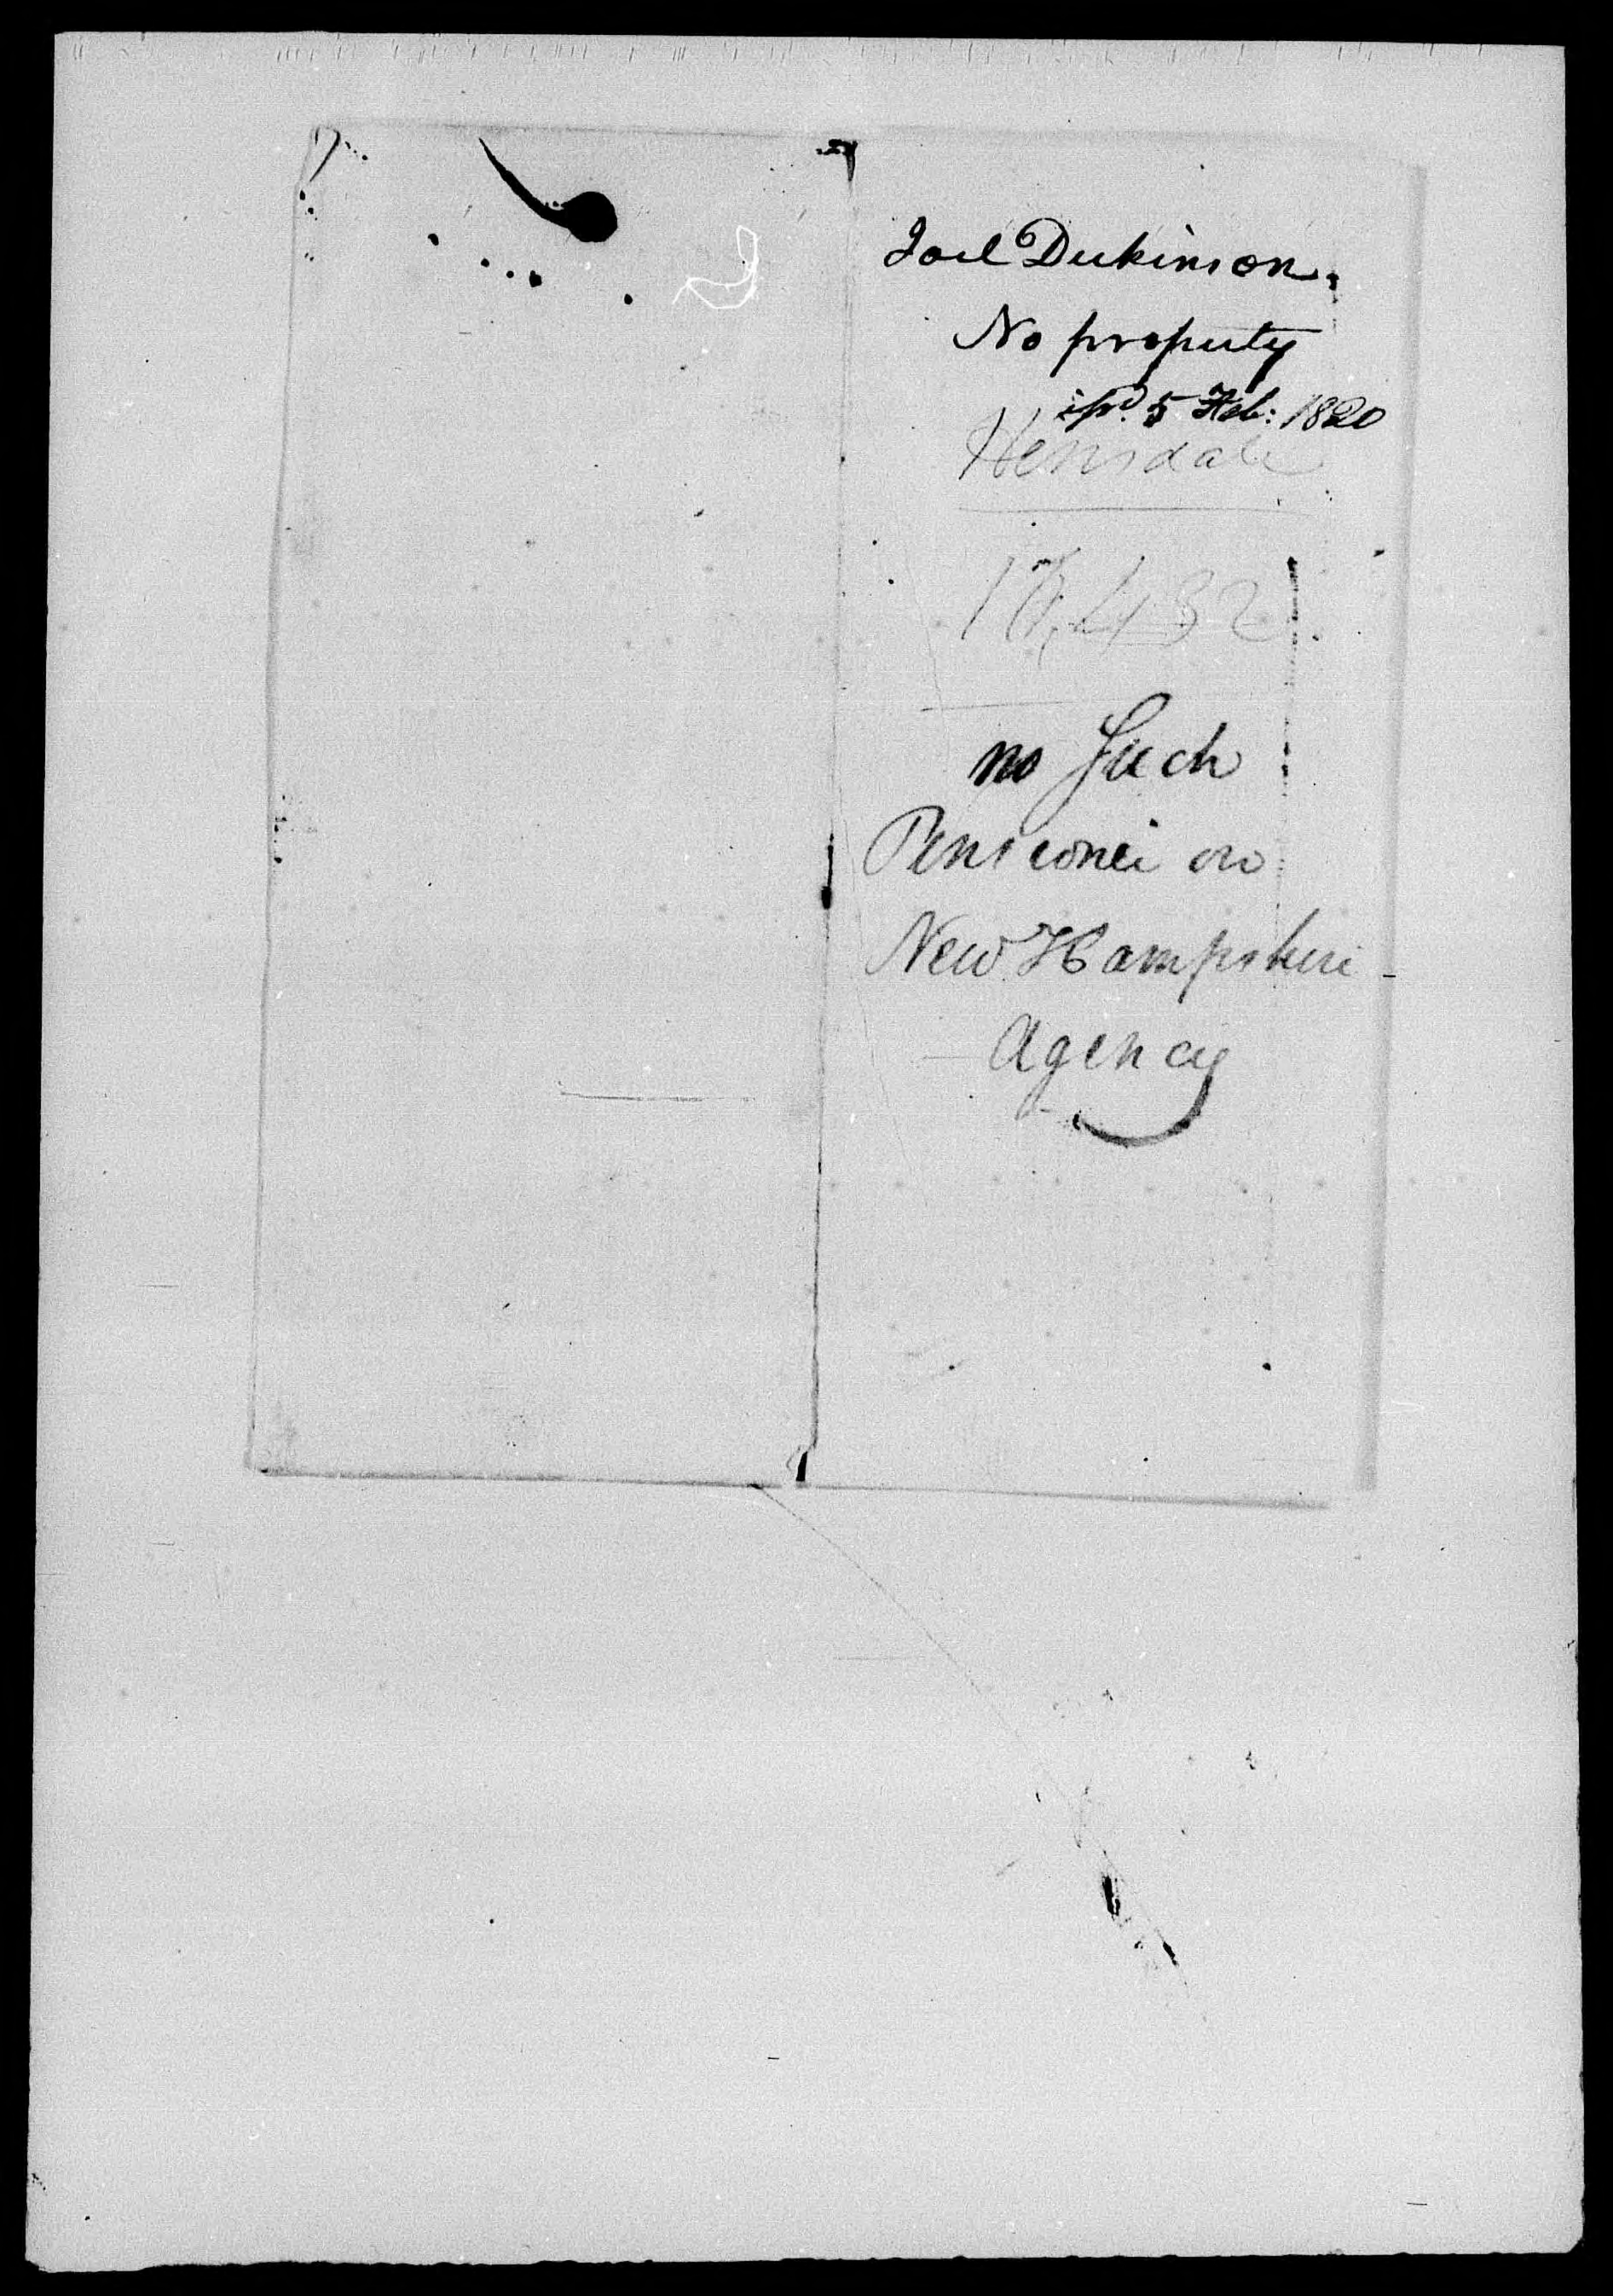Joel Dickinson,
No property
Issued 5 February: 1820
Hemdale
10,432
no Such
Pensioner on
New Hampshire
Agency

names: Joel Dickinson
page: 4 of 31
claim: widow's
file: W. 22946, Joel Dickinson, Mass.